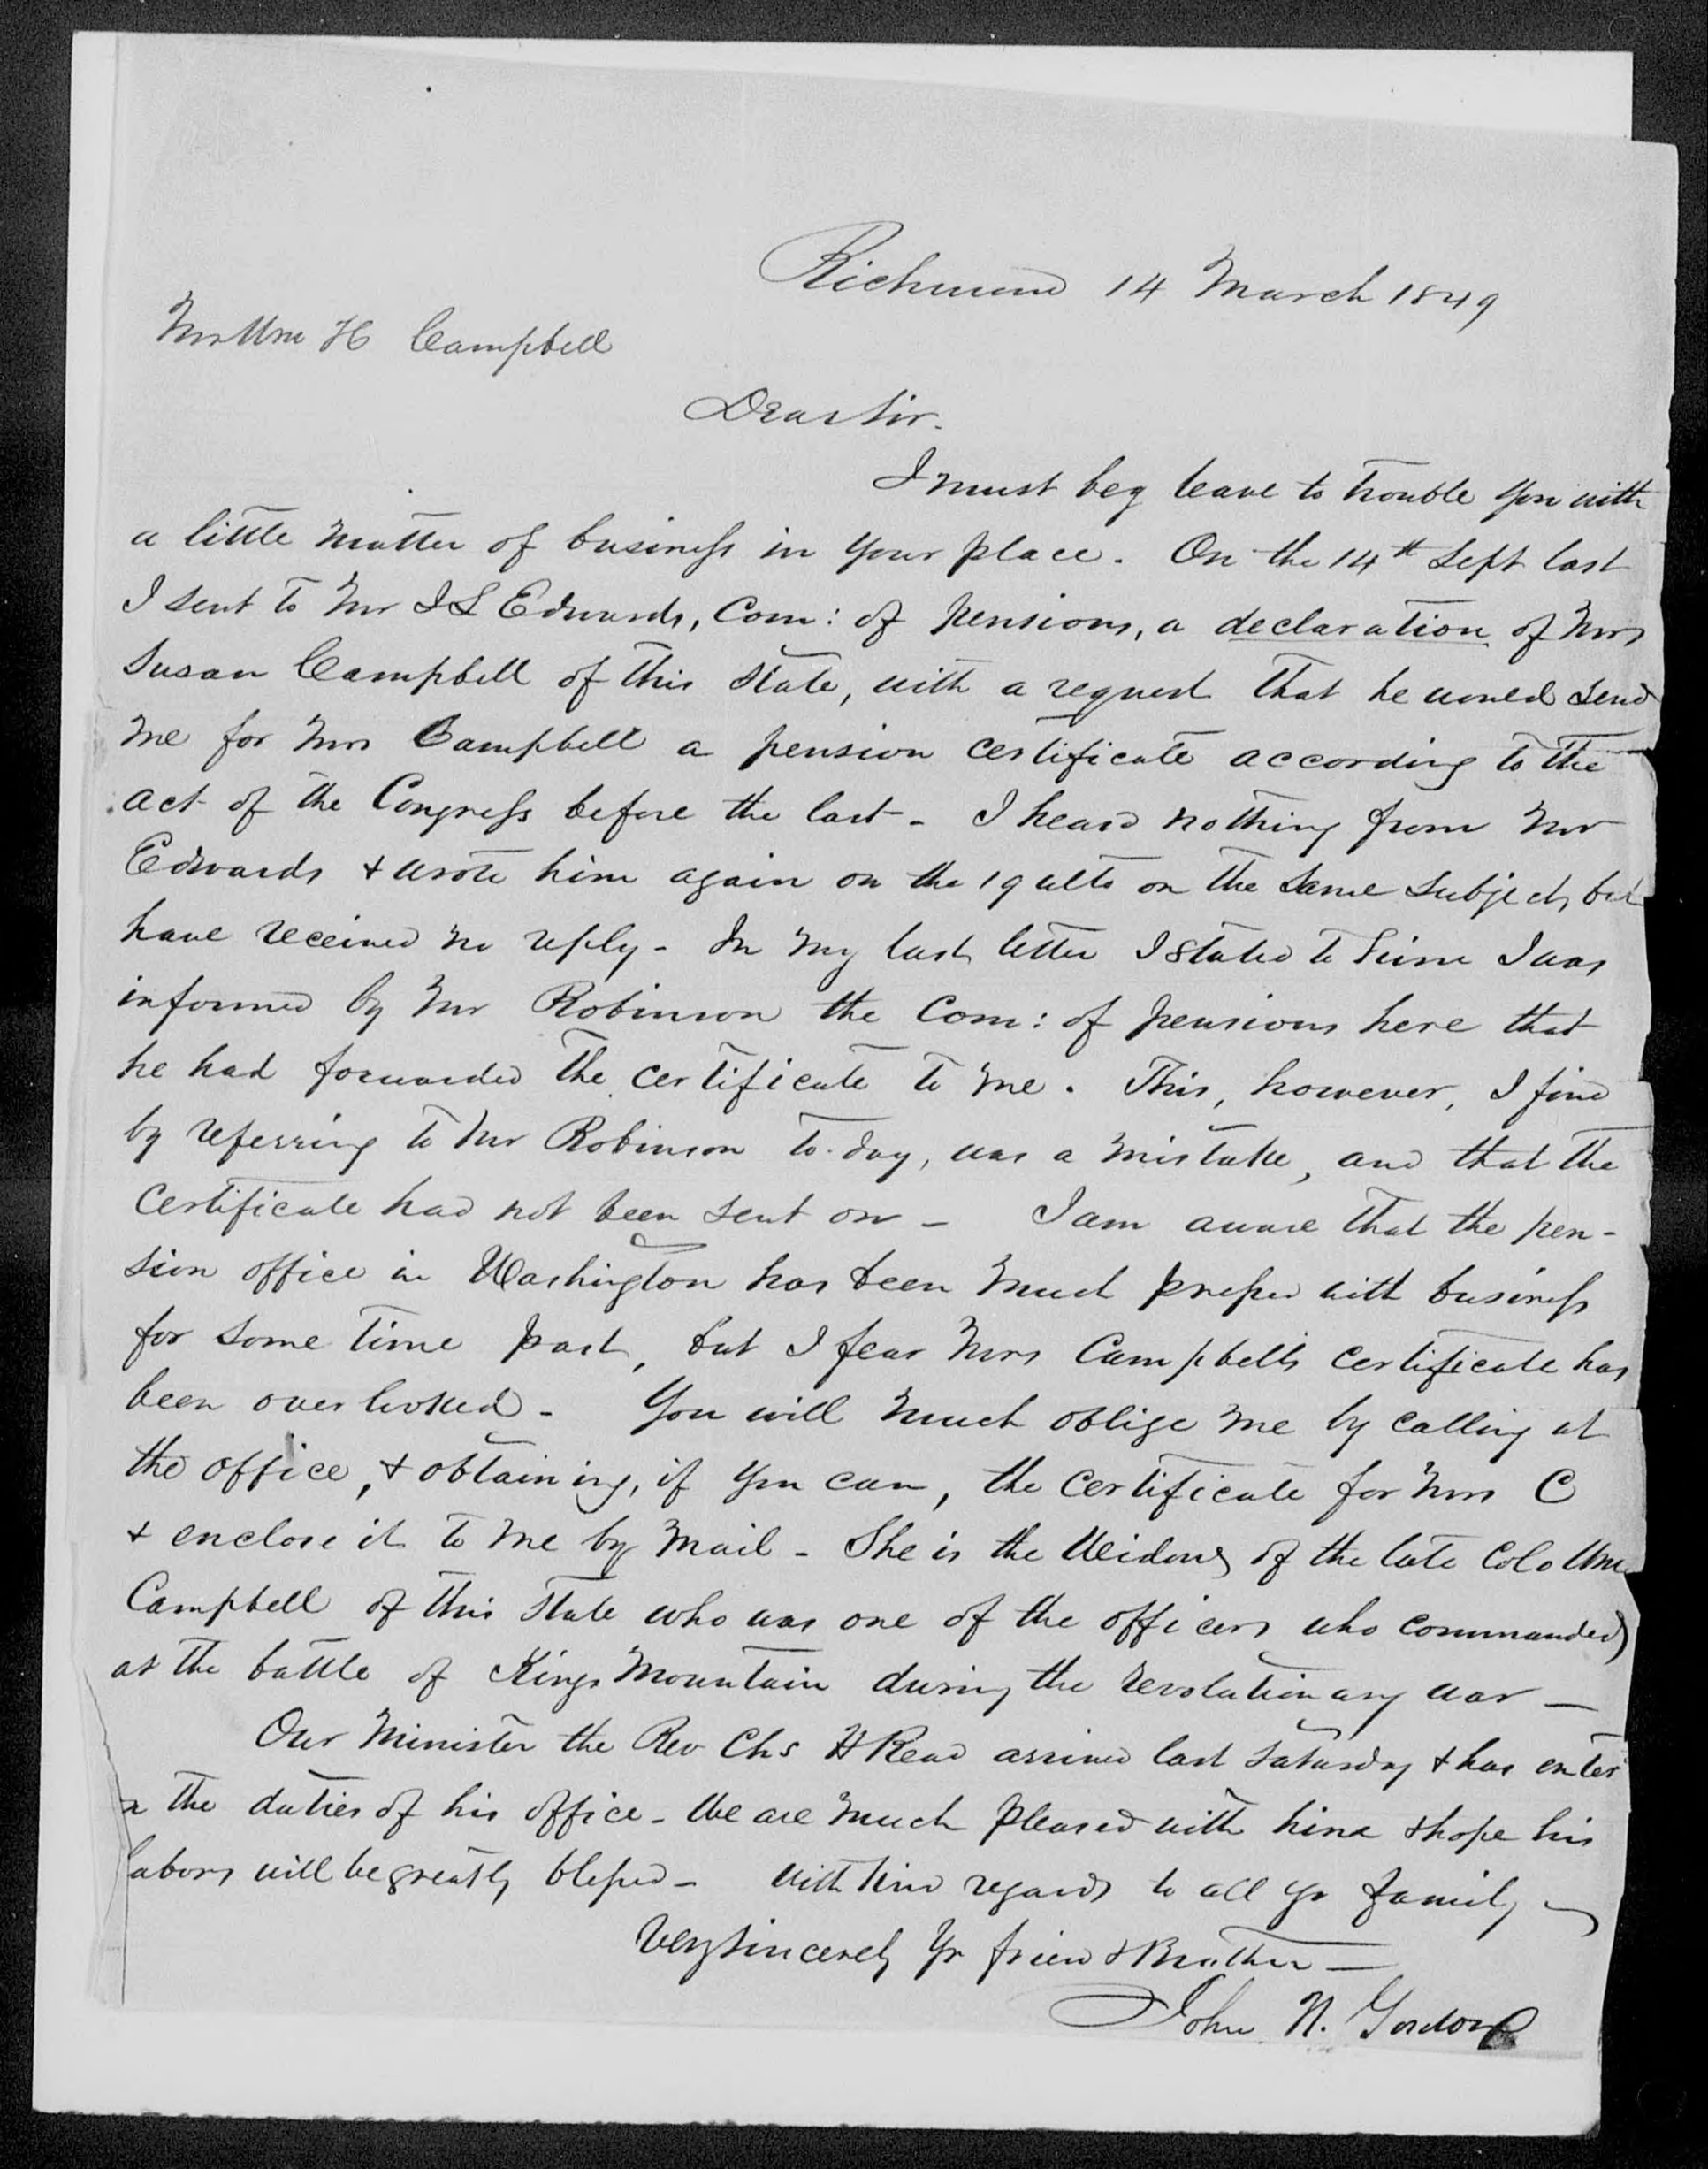Richmond  15 March 1849

Mr. Wm. H. Campbell

Dear Sir,
I must beg leave to trouble you with a little matter in business in your place.  On the 14th Sept last I sent to Mr. J.S. Edwards, Com: of Pensions, a declaration of Mrs. Susan Campbell of this state, with a request that he would send me for Mrs. Campbell a pension certificate according to the act of Congress before the last.  I heard nothing from Mr. Edwards & wrote him again on the 19 ulto on the same subject, but have received no reply.  In my last letter I stated to him I was informed by Mr. Robinson the Com: of Pensions here that he had forwarded the certificate to me.  This, however, I find by referring to Mr. Robinson today, was a mistake, and that the certificate has not been sent on.  I am aware that the pension office in Washington has been much pressed with business for some time past, but I fear Mrs. Campbell's certificate has been overlooked.  You will much oblige me by calling at the office, & obtaining, if you can, the certificate for Mrs. C & enclose it to me by mail.  She is the widow of the late Colo. Wm. Campbell of this state who was one of the officers who commanded at the battle of Kings Mountain during the Revolutionary War.
Our minister the Rev Chs H. Read arrived last Saturday & has entered on the duties of his office.  We are much pleased with him & hope his labors will be greatly blessed.  With our regards to all yr family
Very sincerely Ur Friend & brother
John N. Gordon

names: Campbell, J L Edwards, Wm H Campbell, Susan Campbell, Edwards, John W Gordon, Wm Campbell, Chs H Read, Robinson, Campbells, Robinson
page: 204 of 267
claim: widow's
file: W. 4,149, William Campbell, Va.